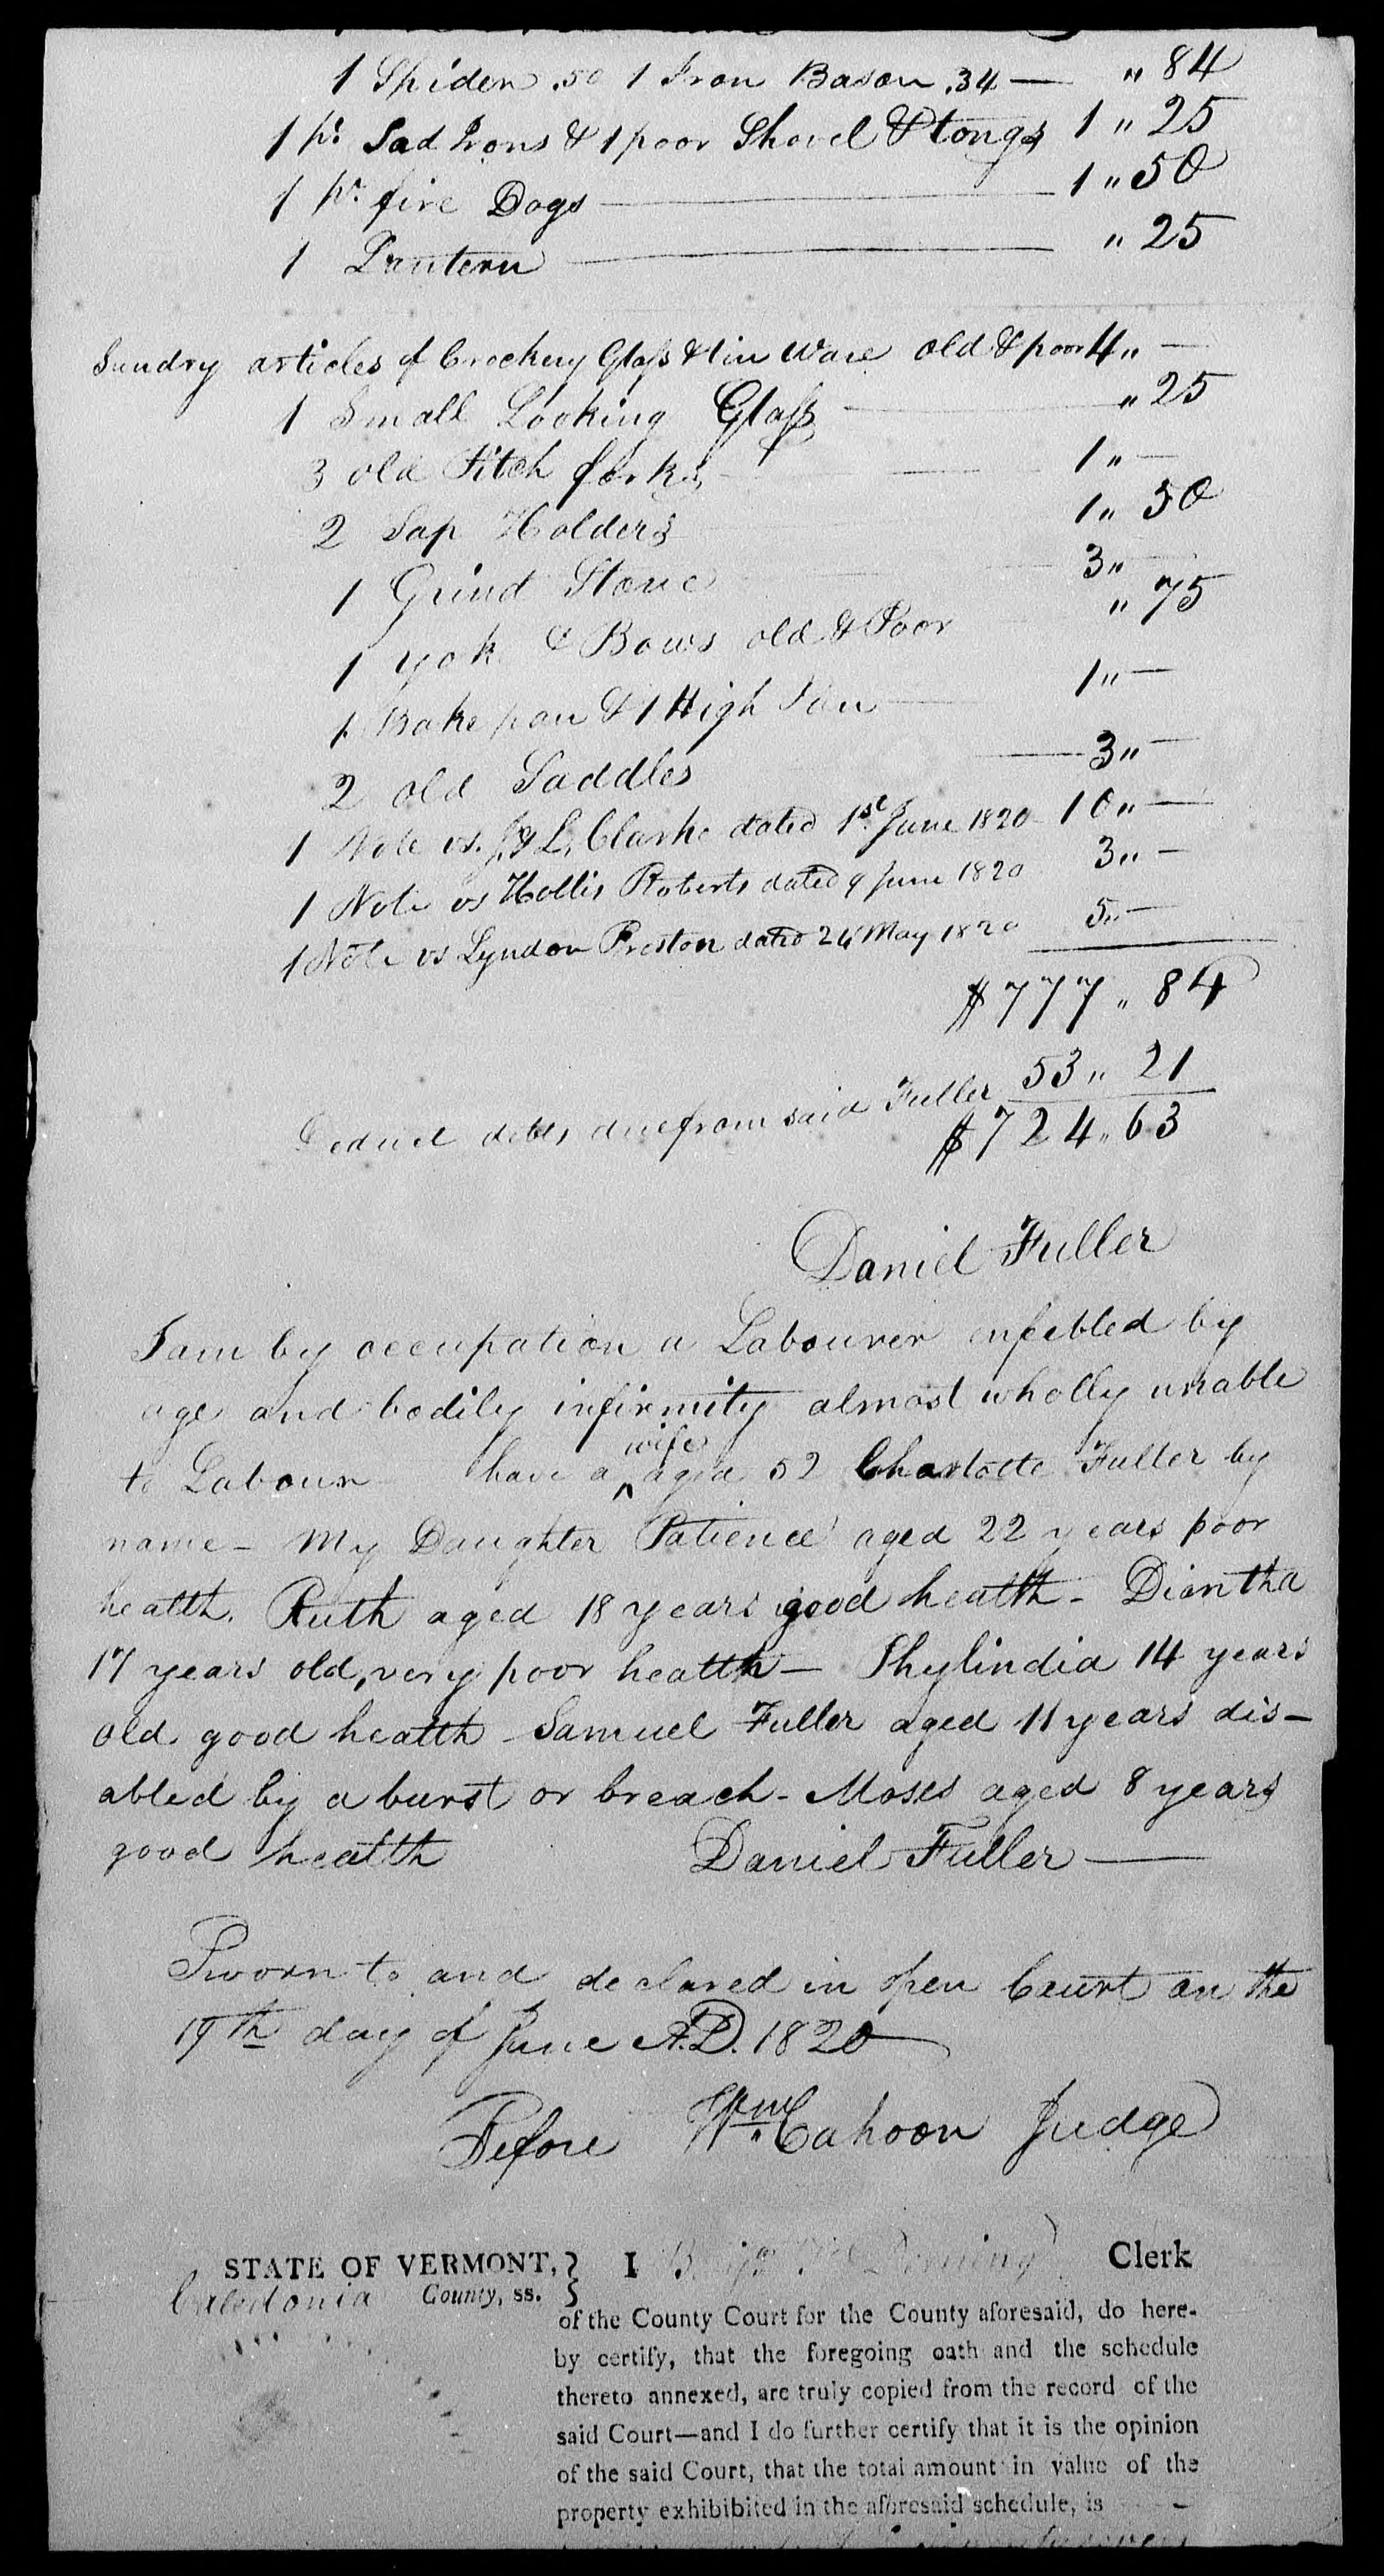1 Spiden .50 1 Iron Basan .34 - .84
1 pr Sad Irons & 1 poor shovel & tongs - 1.20
1 pr fire Dogs - 1.50
1 Lantern - .25
Sundry articles of crockery glass & tin ware old & poor - 4.00
1 Small Looking Glass - .25
3 old Pitch forks - 1.00
2 Sap Holders - 1.50
1 Grind Stone - 3.00
1 yoke & Bows old & Poor - .75
1 Bake pan & 1 High Pan - 1.00
2 old Saddles - 3.00
1 Note vs J L. Clark dated 1st June 1820 - 10.00
1 Note vs Hollis Roberts dated June 1820 - 3.00
Note vs Lyndon Preston dated 24 May 1820 - 5.00 
=
$777.84

Deduct debts due from said Fuller 53.21
=
$724.63
Daniel Fuller (signed)

I am by occupation a Labourer enfebled by
age and bodily infirmity almost wholly unable
to Labour have a wife aged 52 Charlotte Fuller by name - my Daughter Patience aged 22 years poor health, Ruth aged 18 years good health. Diantha 17 years old, very poor health-- Phylindia 14 years old  good health Samuel Fuller aged 11 years disabled by a burst or breach. Moses aged 8 years good health
Daniel Fuller (signed)

Sworn to and declared in open Court on the 19th day of June A.D. 1820
before Wm Cahoon Judge
STATE OF VERMONT, 
Caledonia County, ss.}
I Baylor Deming Clerk of the County Court for the County aforesaid, do hereby certify, that the foregoing oath and the schedule thereto annexed, are truly copied from the record of the said Court--and I do further certify that it is the opinion of the said Court, that the total amount in value of the property exhibited in the aforesaid schedule, is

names: Hollis Roberts, J Clark, Charlotte Fuller, Daniel Fuller, Phylindia, Daniel Fuller, Samuel Fuller, Wm Cahoon, Lyndon Preston, L Clark, Ruth, Moses, Patience, Diantha, Fuller, Benja F Deming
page: 16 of 29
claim: survivor's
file: S. 18830, Daniel Fuller, Mass.